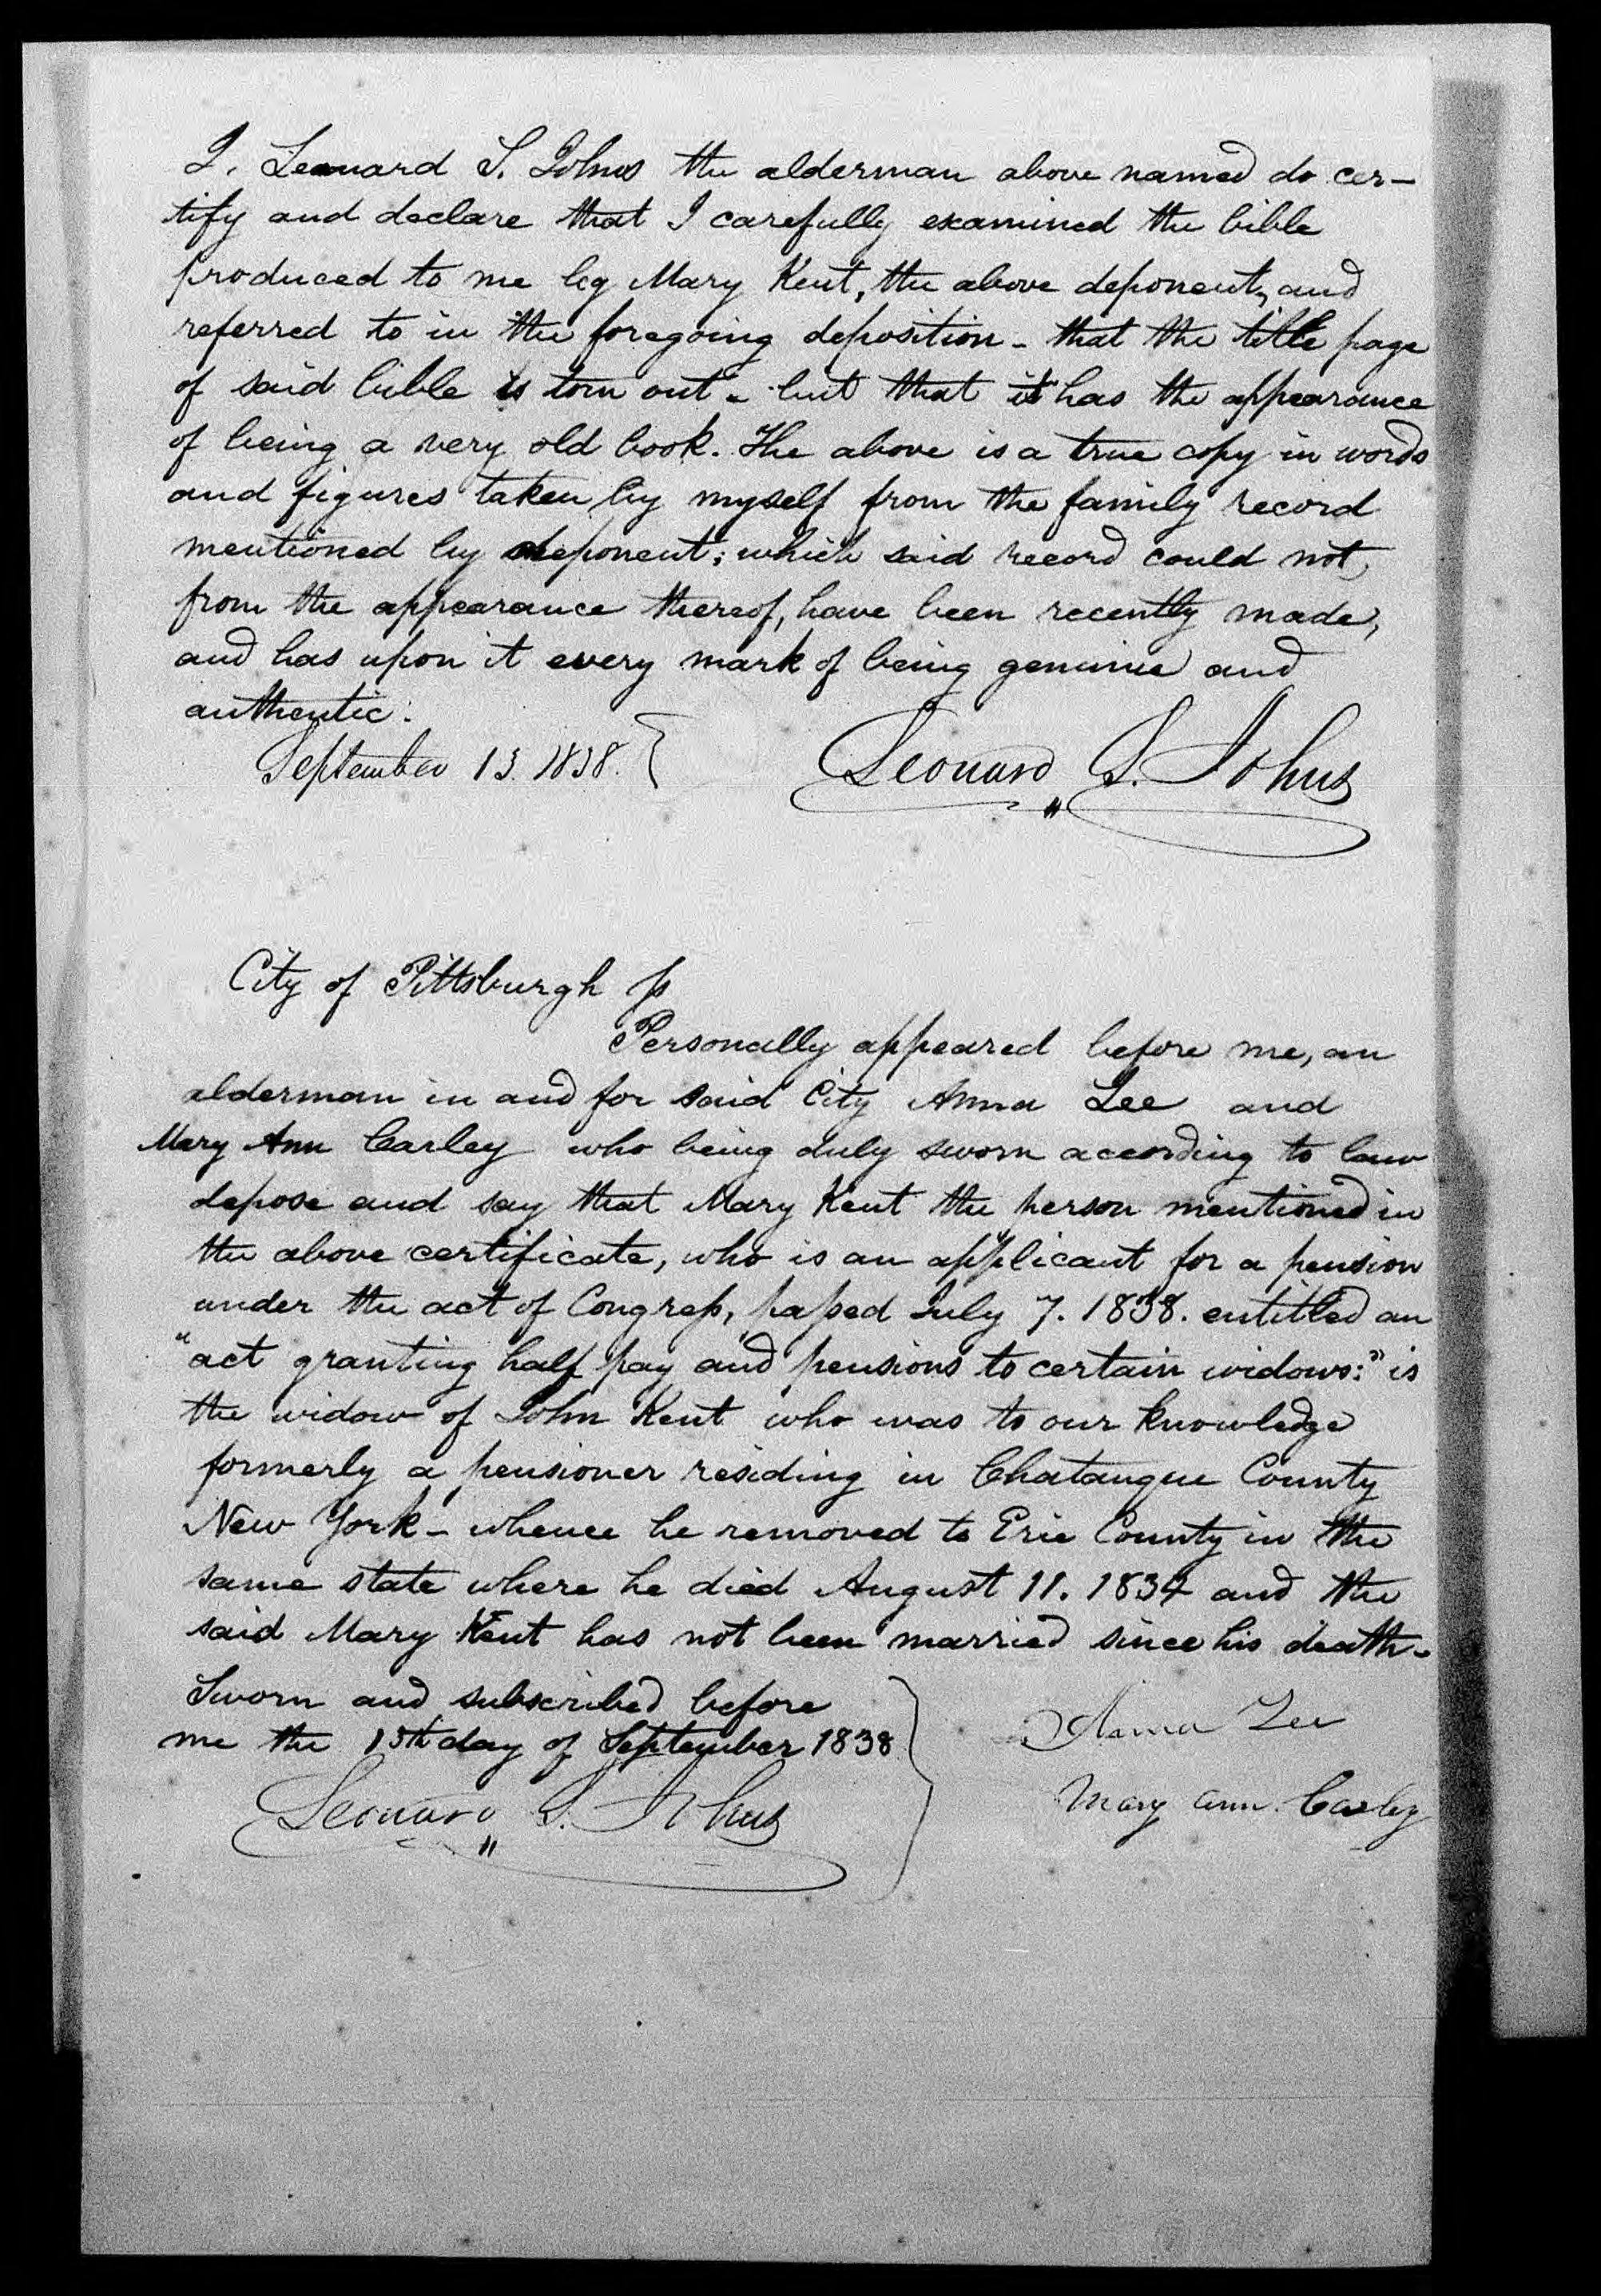I, Leonard S. Johns the alderman above named do certify and declare that I carefully examined the bible produced to me by Mary Kent, the above deponent, and referred to in the foregoing deposition - that the title page of said bible is torn out but that it has the appearance of being a very old book. The above is a true copy in words and figures taken by myself from the family record mentioned by deponent, which said record could not, from the appearance thereof, have been recently made, and has upon it every mark of being genuine and authentic.
September 13 1838} Leonard S Johns

City of Pittsburgh fs
Personally appeared before me, an alderman in and for said City Amos Lee and Mary Ann Carley who being duly sworn according to law depose and say that Mary Kent the person mentioned in the above certificate, who is an applicant for a pension under the act of Congrefs, pafsed July 7. 1838. entitled an "act granting half pay and pensions to certain widows:" is the widow of John Kent who was to our knowledge formerly a pensioner residing in Chataugua County New York - whence he removed to Erie County in the same state where he died August 11. 1834 and the said Mary Kent has not been married since his death -
Amos Lee
Mary Ann Carley

Sworn and subscribed before me the 13th day of September 1838
Leonard S. Johns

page: 42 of 50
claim: widow's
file: W. 4253, for John Kent, Vermont